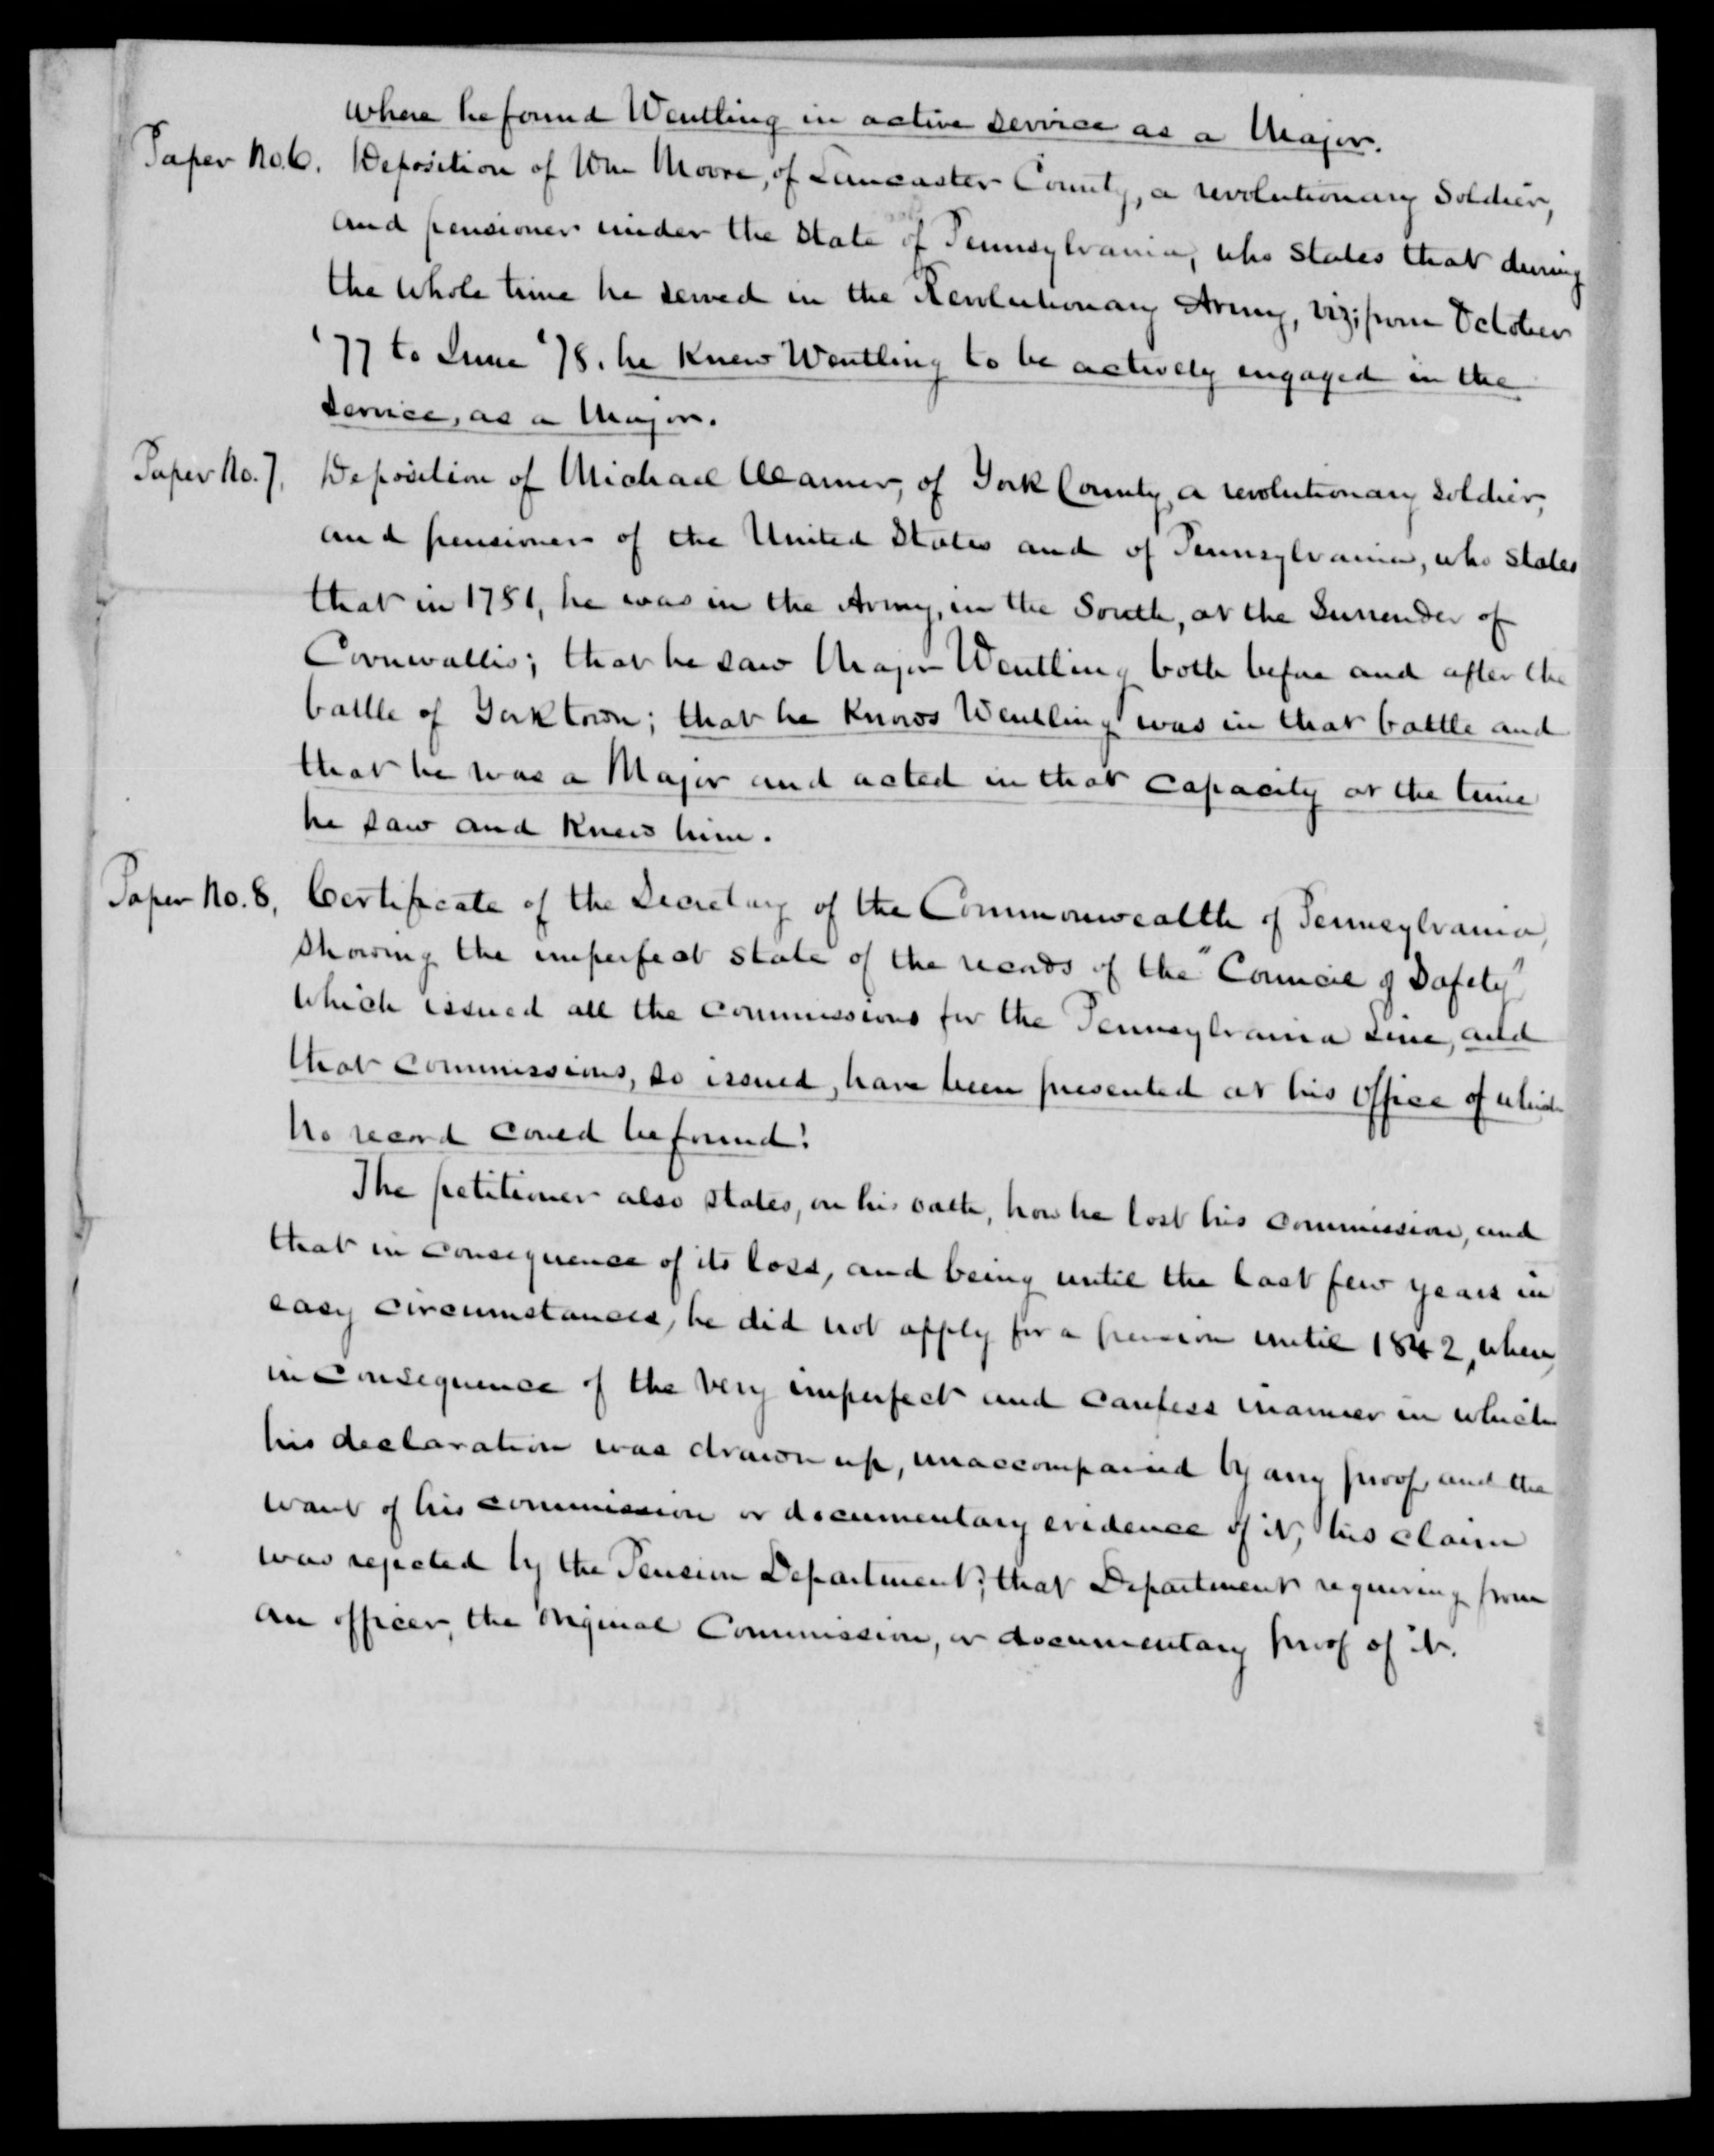where he found Wentling in active service as a Major.
Paper No. 6.  Deposition of Wm Moore, of Lancaster County, a revolutionary soldier, and pensioner under the State of Pennsylvania, who states that during the whole time he served in the Revolutionary Army, viz; October '77 to June '78.  He knew Wentling to be actively engaged in the Service, as a Major.
Paper No. 7.  Deposition of Michael Warner, of York County, a revolutionary soldier, and pensioner of the United States and of Pennsylvania, who state that in 1781, he was in the Army, in the South, at the Surrender of Cornwallis; that he saw Major Wentling both before and after the battle of Yorktown; that he knows Wentling was in that battle and that he was a Major and acted in that capacity at the time he saw and knew him.
Paper No. 8.  Certificate of the Secretary of the Commonwealth of Pennsylvania showing the imperfect state of the records of the "Council of Safety" which issued all the commissions for the Pennsylvania Line, and that commissions, so issued, have been presented at his office of which no record could be found!
The petitioner also states, on his oath, how he lost his commission, and that in consequence of its loss, and being until the last few years in easy circumstances, he did not apply for a pension until 1842, when in consequence of the very imperfect and careless manner in which his declaration was drawn up, unaccompanied by any proof, and the want of his commissioner documentary evidence of it, his claim was rejected by the Pension Department; that Department requiring from an officer, the original Commission, or documentary proof of it.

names: Wentling, Wm Moore, Michael Warner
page: 26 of 68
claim: survivor's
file: S. 6,358, George Wentling, Penn.